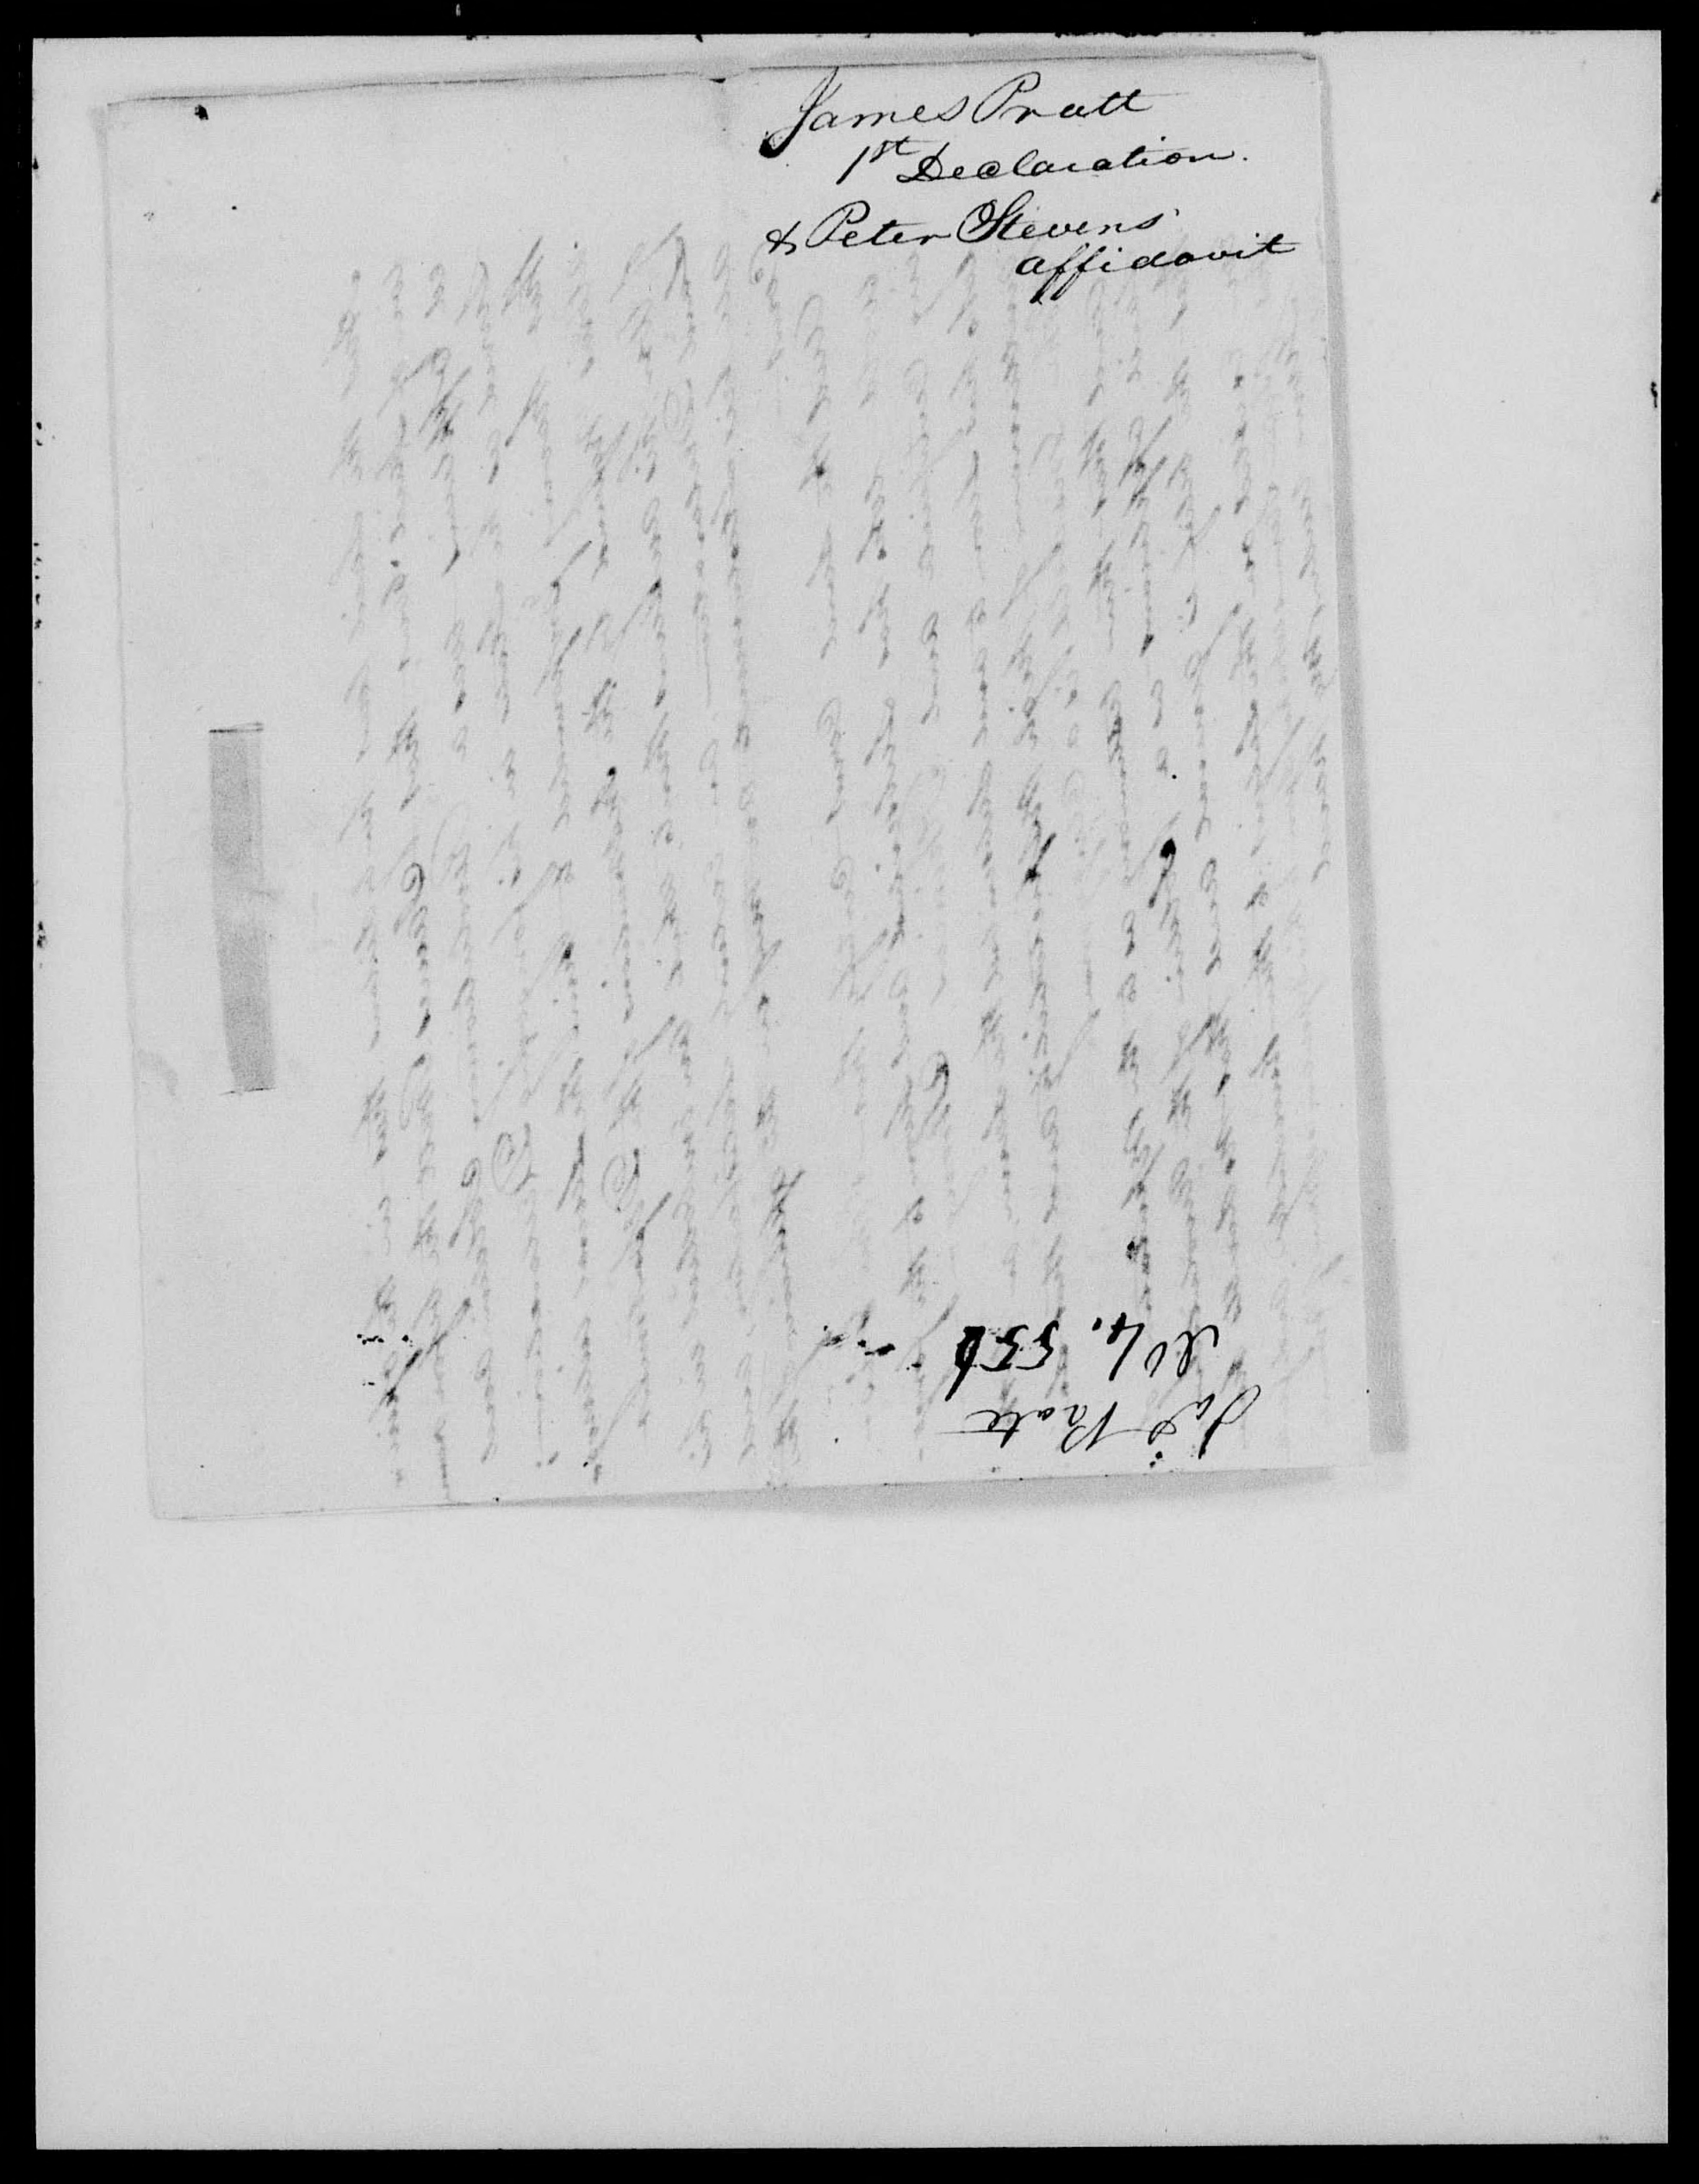James Pratt
1st Declaration.
& Peter Stevens'
affidavit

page: 3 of 29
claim: survivor's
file: S. 14,222, for James Pratt, Vermont